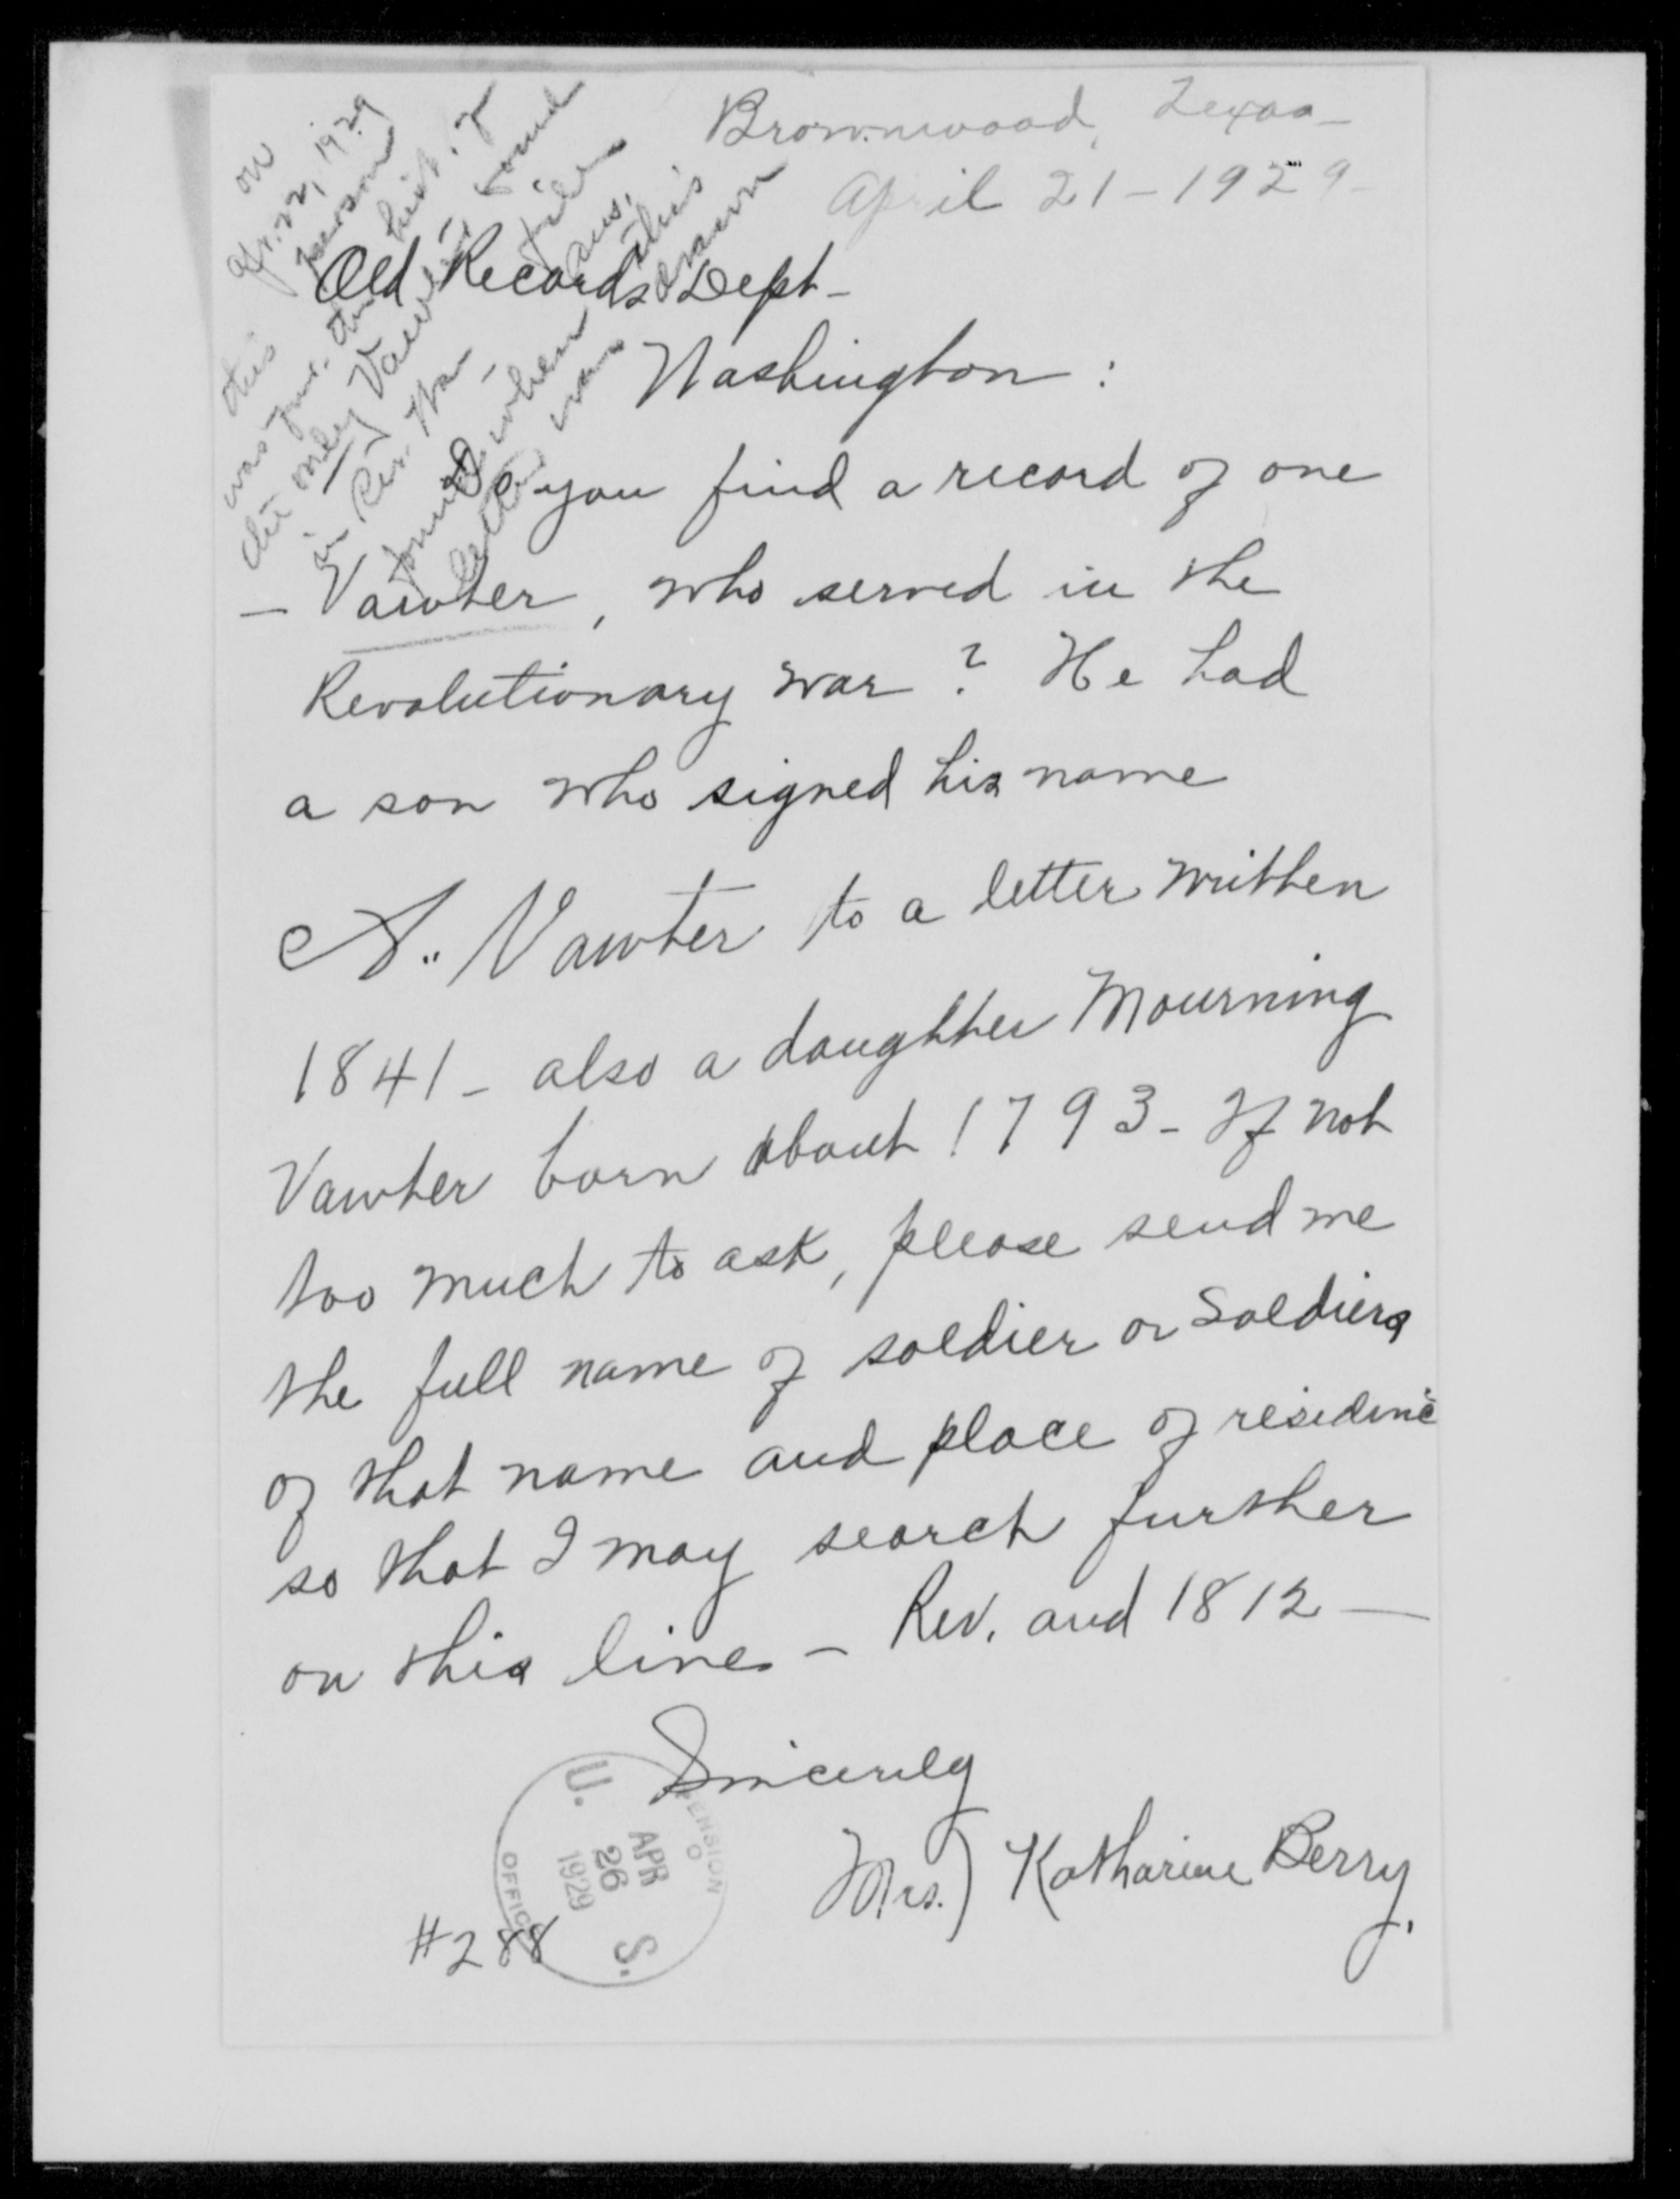On Apr. 22, 1929 this person was found. 
[...illegible]only Vawter found 
in Rev. War files 
found when this letter was drawn

Brownwood Texas
April 21- 1929
Old Records Dept.
Washington:

Do you find a record of one
Vawter, who served in the
Revolutionary War? He had a
son who signed his name
A. Vawter to a letter written
1841, also a daughter Mourning
Vawter born about 1793. If not
too much to ask, please send me
the full name of soldier or Soldiers
of that name and place of residing
so that I may search further
on this line-
Rev. and 1812
Sincerely

Mrs. Katharine Berry
#288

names: Katharine Berry, Mourning Vawter, A Vawter, Vawter, Vawter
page: 13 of 51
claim: rejected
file: R. 10,921, William Vawter, Va.